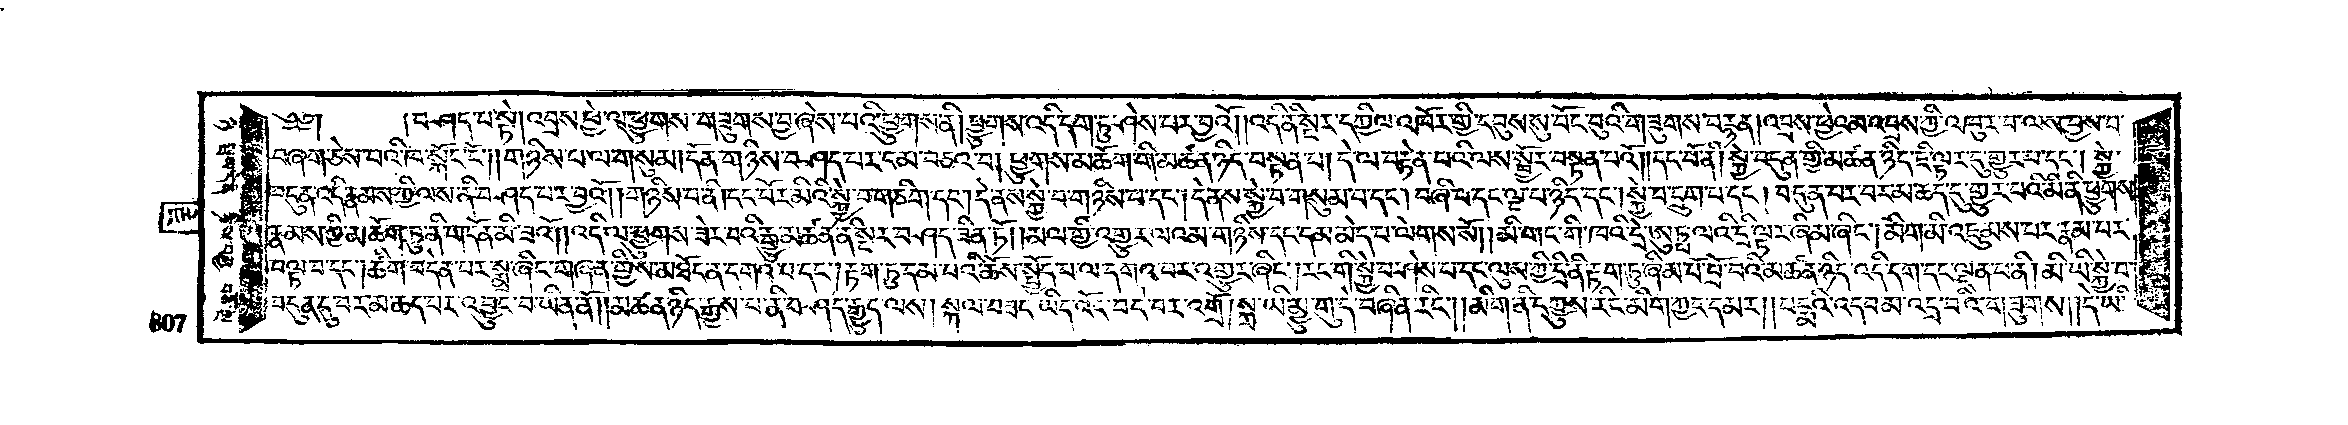༄༅། །བཤད་པ་སྟེ། འབྲས་ཕྱེ་ལ་ཕྱུགས་གཟུགས་བྱ་ཞེས་པའི་ཕྱུགས་ནི། ཕྱུགས་འདི་དག་ཏུ་ཤེས་པར་བྱའོ། །འདི་ནི་སྔར་དཀྱིལ་འཁོར་གྱི་དབུས་སུ་བོང་བུའི་གཟུགས་བརྙན། འབྲས་ཕྱེའམ་འབྲས་ཀྱི་འཁུར་བ་ལས་བྱས་པ་
བཞག་ཅེས་པའི་ཁ་སྐོང་ངོ། །གཉིས་པ་ལ་གསུམ། དོན་གཉིས་བཤད་པར་དམ་བཅའ་བ། ཕྱུགས་མཆོག་གི་མཚན་ཉིད་བསྟན་པ། དེ་ལ་བརྟེན་པའི་ལས་སྦྱོར་བསྟན་པའོ། །དང་པོ་ནི། སྐྱེ་བདུན་གྱི་མཚན་ཉིད་ཇི་ལྟར་དུ་གྱུར་པ་དང་། སྐྱེ་
བདུན་འདི་རྣམས་ཀྱི་ལས་ནི་བཤད་པར་བྱའོ། །གཉིས་པ་ནི། དང་པོར་མིའི་སྐྱེ་བ་གཅིག་དང་། དེ་ནས་སྐྱེ་བ་གཉིས་པ་དང་། དེ་ནས་སྐྱེ་བ་གསུམ་པ་དང་། བཞི་པ་དང་ལྔ་པ་ཉིད་དང་། སྐྱེ་བ་དྲུག་པ་དང་། བདུན་པར་བར་མ་ཆད་དུ་གྱུར་པའི་མི་ནི་ཕྱུགས་
རྣམས་ཀྱི་མཆོག་ཏུ་ནི་གདོན་མི་ཟའོ། །འདི་ལ་ཕྱུགས་ཟེར་བའི་རྒྱུ་མཚན་ནི་སྔར་བཤད་ཟིན་ཏོ། །མལ་གྱི་འགྱུར་ལའམ་གཉིས་དང་དམ་མེད་པ་ལེགས་སོ། །མི་གང་གི་ཁའི་དྲི་ཨུཏྤལའི་དྲི་ལྟར་ཞིམ་ཞིང་། མིག་མི་འཛུམས་པར་རྣམ་པར་
བལྟ་བ་དང་། ཚིག་བདེན་པར་སྨྲ་ཞིང་གཞན་གྱིས་མཐོང་ན་དགའ་བ་དང་། རྟག་ཏུ་དམ་པའི་ཆོས་སྤྱོད་པ་ལ་དགའ་བར་འགྱུར་ཞིང་། རང་གི་སྐྱེ་བ་ཤེས་པ་དང་ལུས་ཀྱི་དྲི་ནི་རྟག་ཏུ་ཞིམ་པོ་བྲོ་བའི་མཚན་ཉིད་འདི་དག་དང་ལྡན་པ་ནི། མི་ཡི་སྐྱེ་བ་
བདུན་དུ་བར་མ་ཆད་པར་འབྱུང་བ་ཡིན་ནོ། །མཚན་ཉིད་རྒྱས་པ་ནི་བཤད་རྒྱུད་ལས། སྐལ་བཟང་ཡིད་འོང་བདེ་བར་འགྲོ། སྐྲ་ཡི་མྱུ་གུ་དེ་བཞིན་རིང་། མིག་ནི་དཀྱུས་རིང་མིག་ཀྱང་དམར། །པདམའི་འདབ་མ་འདྲ་བའི་གཟུགས། །དེ་ཡི་